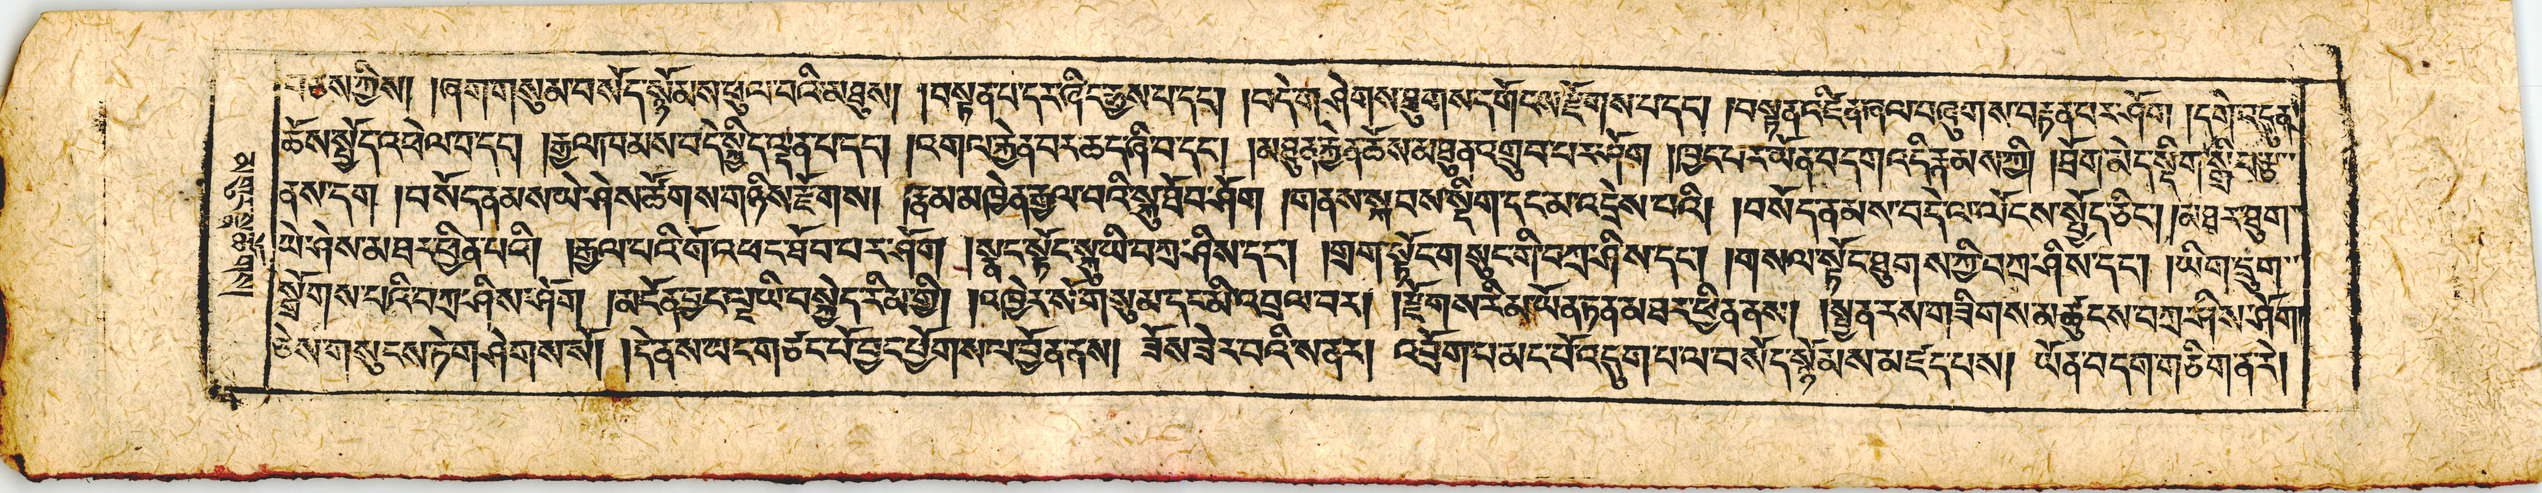བཅས་ཀྱིས། །ཞག་གསུམ་བསོད་སྙོམས་ཕུལ་བའི་མཐུས། །བསྟན་པ་དར་ཞིང་རྒྱས་པ་དང་། །བདེ་གཤེགས་ཐུགས་དགོངས་རྫོགས་པ་དང་། །བསྟན་འཛིན་ཞལ་བཞུགས་བརྟན་པར་ཤོག། །དགེ་འདུན་
ཆོས་སྤྱོད་འཕེལ་བ་དང་། །རྒྱལ་ཁམས་བདེ་སྐྱིད་ལྡན་པ་དང་། །འགལ་རྐྱེན་བར་ཆད་ཞི་བ་དང་། །མཐུན་རྐྱེན་ཆོས་མཐུན་འགྲུབ་པར་ཤོག །ཁྱང་པར་ཡོན་བདག་འདི་རྣམས་ཀྱི། །ཐོག་མེད་སྡིག་སྒྲིབ་རྩ་
ནས་དག །བསོད་ནམས་ཡེ་ཤེས་ཚོགས་གཉིས་རྫོགས། རྣམ་མཁྱེན་རྒྱལ་བའི་སྐུ་ཐོབ་ཤོག །གནས་སྐབས་སྡིག་དང་མ་འདྲེས་པའི། །བསོད་ནམས་བདེ་ལ་ལོངས་སྤྱོད་ཅིང་། །མཐར་ཐུག་
ཡེ་ཤེས་མཐར་ཕྱིན་པའི། །རྒྱལ་པའི་གོ་འཕང་ཐོབ་བར་ཤོག །སྣང་སྟོང་སྐུ་ཡི་བཀྲ་ཤིས་དང་། །གྲག་སྟོང་གསུང་གི་བཀྲ་ཤིས་དང་། །གསལ་སྟོང་ཐུགས་ཀྱི་བཀྲ་ཤིས་དང་། །ཡིག་དྲུག་
སྒྲོགས་པའི་བཀྲ་ཤིས་ཤོག། །མངོན་བྱང་ལྔ་ཡི་བསྐྱེད་རིམ་གྱི། །འཁྱེར་སོ་གསུམ་དང་མི་འབྲལ་བར། །རྫོགས་རིམ་ཡོནཏན་མཐར་ཕྱིན་ནས། །སྦྱན་རས་གཟིགས་མཚུངས་བཀྲ་ཤིས་ཤོག །
ཅེས་གསུངས་ཏེ་གཤེགས་སོ། །དེ་ནས་ཡང་གཙང་པོ་བྱང་ཕྱོགས་ལ་བྱོན་ནས། ཟོས་ཟེར་བའི་ས་ནར། འབྲོག་པ་མང་པོ་འདུག་པ་ལ་བསོད་སྙོམས་མཛད་པས། ཡོན་བདག་གཅིག་ན་རེ།